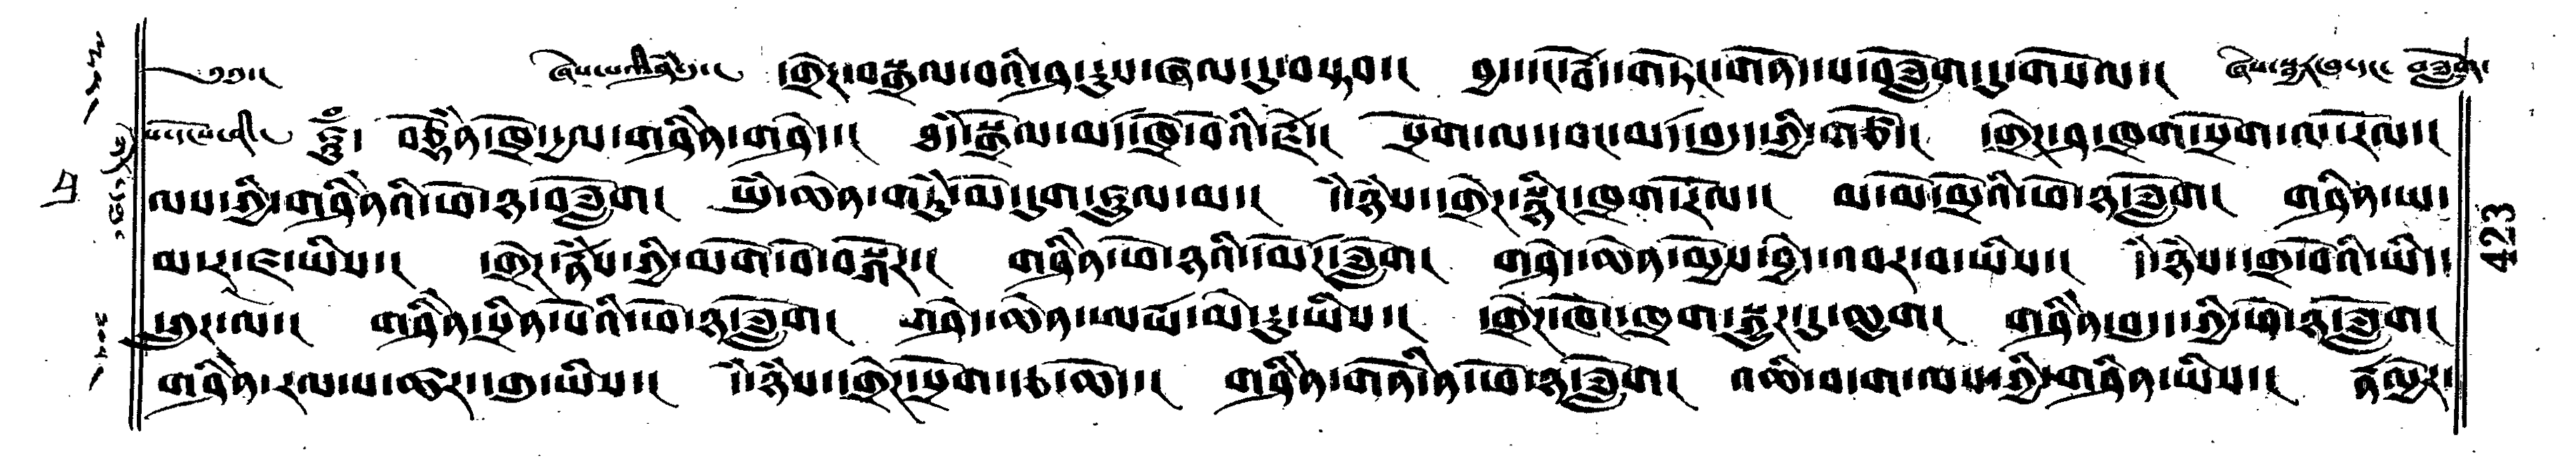ཞེས་པའི་ཤམ་དུ། དགྲ་བགེགས་བསྒྲལ་བའི་ཤ་རུས་ཞལ་དུ་བསྟབས། བྱད་དང་རྦོད་གཏོང་གནོད་པ་ཟློག་དུ་གསོལ། །ཞེས་སྦྱར་བ་དང་། བཟློག་
པ་དངོས་ནི། ཧཱུྃ། བཅོམ་ལྡན་ཁྲོ་རྒྱལ་གཤིན་རྗེ་གཤེད། །ཐམས་ཅད་སྒྲོལ་མཛད་ཁྲོ་བོའི་རྗེ། །སྲོག་ལ་དབང་མཛད་བདུད་ཀྱི་གཙོ། །དགྲ་བགེགས་ཤ་ཁྲག་སྲོག་ལ་རོལ། །
ལས་ཀྱི་གཤིན་རྗེའི་ཕོ་ཉ་ཟློགས། །ཡུམ་ཆེན་གཏུམ་མོ་དུག་ཧྲུལ་མ། །དམ་ཉམས་དགྲ་བགེགས་སྙིང་ཁྲག་རོལ། །མ་མོ་མཁའ་འགྲོའི་ཕོ་ཉ་ཟློགས། །གཤིན་རྗེ་
ཡ་མ་རཱ་ཛ་ཡིས། །དགྲ་བགེགས་རྣམས་ཀྱི་མགོ་བོ་བསྐོར། གཤིན་རྗེ་ཕོ་ཉའི་དམག་ཚོགས་ཟློགས། །གཤེད་ཆེན་མྱོས་བྱེད་འབར་བ་ཡིས། །དམ་ཉམས་དགྲ་བོའི་ཡིད་
དཀྲུགས་ལ། །གཤིན་རྗེ་སྲིན་པོའི་ཕོ་ཉ་ཟློགས། །གཤེད་ཆེན་ཨརྻ་མེ་རུ་ཡིས། །དགྲ་བགེགས་ཁོང་ཁྲག་སྐྱུག་དུ་ཆུགས། །གཤིན་རྗེ་བདུད་ཀྱི་ཕོ་ཉ་ཟློགས། །
གཤིན་རྗེ་རལ་པ་ཚར་རྒུ་ཡིས། དམ་ཉམས་དགྲ་བགེགས་སྲོག་རྩ་ཆོད། །གཤིན་རྗེ་གནོད་སྦྱིན་ཕོ་ཉ་ཟློགས། །འཆི་བདག་ལས་ཀྱི་གཤིན་རྗེ་ཡིས། །རྣལ་འབྱོར་